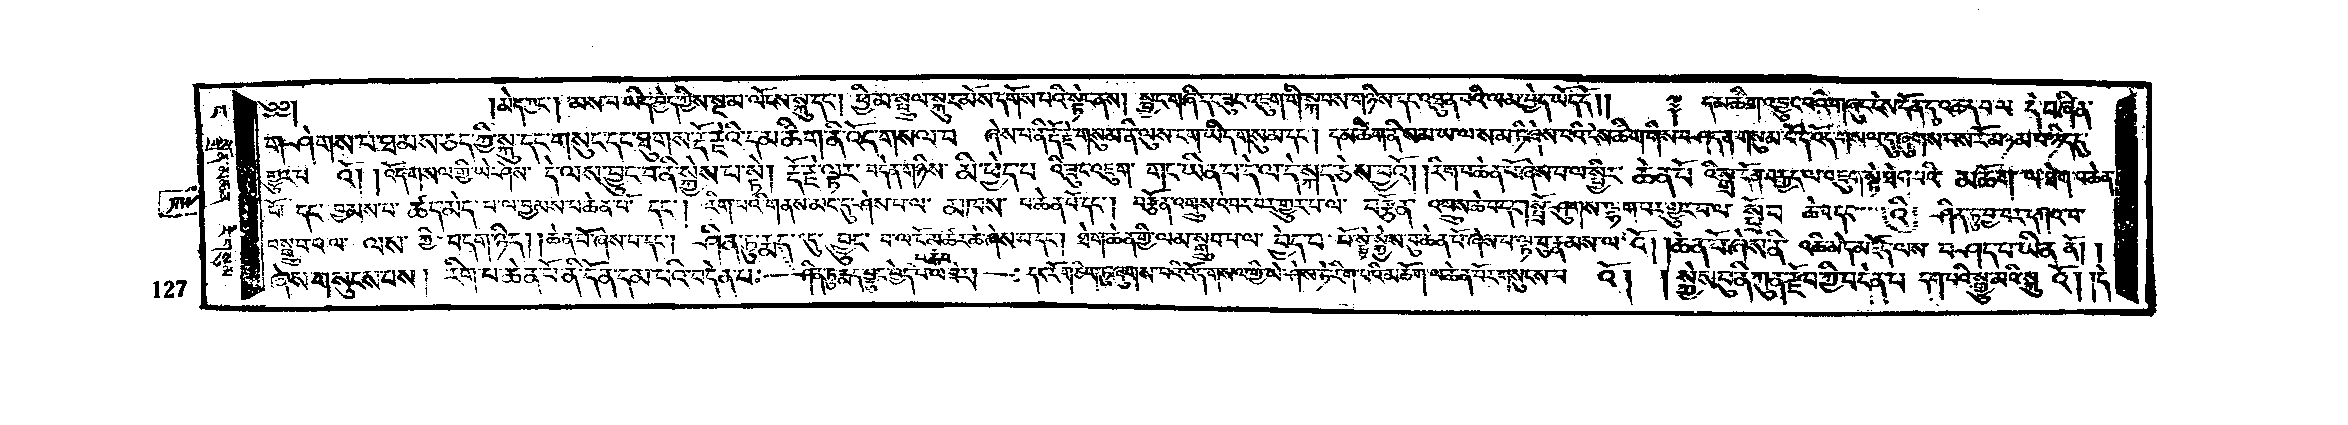༄༅། །མེད་ཀྱང་། མོས་པ་ཡིད་བྱེད་ཀྱིས་སྔ་མ་ལོངས་སྐུ་དང་། ཕྱི་མ་སྤྲུལ་སྐུར་མོས་དགོས་པའི་སྟེང་ནས། སྦྱང་གཞི་དང་ཟུང་འཇུག་གི་སྐབས་གཉིས་དང་འཐུན་པའི་ལམ་བྱེད་ཡོད་དོ།། ༈ དམ་ཚིག་འབྱུང་བའི་གཞུང་ངེས་དོན་དུ་འཆད་པ་ལ་དེ་བཞིན་
གཤེགས་པ་ཐམས་ཅད་ཀྱི་སྐུ་དང་གསུང་དང་ཐུགས་རྡོ་རྗེའི་དམ་ཚིག་ནི་འོད་གསལ་བ་ཞེས་པ་ནི་རྡོ་རྗེ་གསུམ་ནི་ལུས་ངག་ཡིད་གསུམ་དང་། དམ་ཚིག་ནི་ས་མ་ཡ་ལ་ས་མ་ཏི་ཞེས་པའི་ངེས་ཚིག་གིས་བཤད་ན་གསུམ་པོ་དེ་འོད་གསལ་དུ་ཞུགས་པས་རོ་མཉམ་པ་ཉིད་དུ་
གྱུར་པ་འོ། །འོད་གསལ་གྱི་ཡེ་ཤེས་དེ་ལས་བྱུང་བ་ནི་སྐྱེས་པ་སྟེ། རྡོ་རྗེ་ལྟར་བདེན་གཉིས་མི་ཕྱེད་པའི་ཟུང་འཇུག་གང་ཡིན་པ་དེ་ལ་དེ་སྐད་ཅེས་བྱའོ། །རིག་པ་ཆེན་པོ་ཞེས་པ་ལ་སྤྱིར་ཆེན་པོའི་སྒྲ་དོན་བརྒྱད་ལ་འཇུག་སྟེ་ཐེག་པའི་མཆོག་ལ་ཐེག་པ་ཆེན་
པོ་དང་བྱམས་པ་ཚད་མེད་པ་ལ་བྱམས་པ་ཆེན་པོ་དང་། རིག་པའི་གནས་མང་དུ་ཤེས་པ་ལ་མཁས་པ་ཆེན་པོ་དང་། བརྩོན་འགྲུས་འབར་བར་གྱུར་བ་ལ་བརྩོན་འགྲུས་ཆེ་བ་དང་། སྤྲོ་ཤུགས་ལྷག་པར་གྱུར་པ་ལ་སྤྲོ་བ་ཆེ་བ་དང་འི་ཤིན་ཏུ་བྱ་བར་དཀའ་བ་
བསྒྲུབ་པ་ལ་ལས་ཀྱི་བདག་ཉིད། །ཆེན་པོ་ཞེས་པ་དང་། ཤིན་ཏུ་རྨད་དུ་བྱུང་བ་ལ་ངོ་མཚར་ཆེ་ཞེས་པ་དང་། ཐེག་ཆེན་གྱི་ལམ་སྒྲུབ་པ་ལ་བྱེད་པ་པོ་སྟེ་སྐྱེས་བུ་ཆེན་པོ་ཞེས་པ་ལྟ་བུ་རྣམས་ལ་འོ། །ཆེན་པོ་ཞེས་ནི་འཆི་མེད་མཛོད་ལས་བཤད་པ་ཡིན་ནོ། །
ཞེས་གསུངས་པས། རིག་པ་ཆེན་པོ་ནི་དོན་དམ་པའི་བདེན་པ་ཤིན་ཏུ་རྨད་བྱུང་བྱེད་པ་ལ་ཟེར། པ་ཚབ་དང་རོ་གཅིག་ཏུ་ཞུགས་པའི་འོད་གསལ་གྱི་ཡེ་ཤེས་ཏེ་རིག་པའི་མཆོག་ལ་ཆེན་པོར་གསུངས་པ་འོ། །སྐྱེས་བུ་ནི་ཀུན་རྫོབ་ཀྱི་བདེན་པ་དག་པའི་སྒྱུ་མའི་སྐུ་འོ། །དེ་